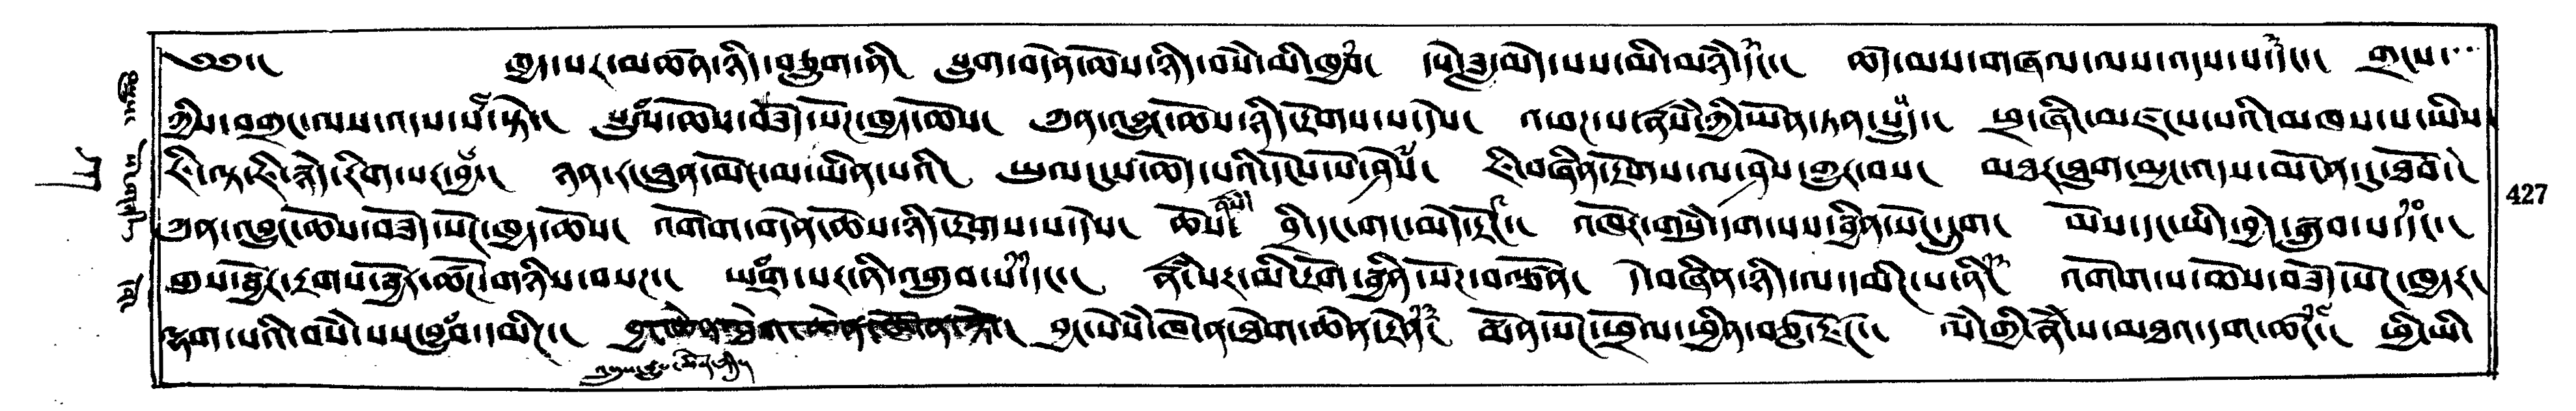ཁྱད་པར་མཚན་ཉིད་བཅུ་དྲུག་ནི། །སྡུག་བདེན་ཆོས་ཉིད་བསམ་མི་ཁྱབ། །དཔེ་ཟླ་མེད་པས་མི་མཉམ་དང་། །ཚད་མས་གཞལ་ལས་འདས་པ་དང་། །གྲངས་
ཀྱིས་བགྲང་ལས་འདས་པ་སྟེ། །སྡུག་བསྔལ་ཆོས་བཟོད་སོགས་ཁྱད་ཆོས། །ཀུན་འབྱུང་ཆོས་ཉིད་རྟོགས་པ་དེས། །འཕགས་པ་རྣམས་ཀྱི་ཡོན་ཏན་སྡུད། །ཕྲ་ཞིང་མཛངས་པའི་མཁས་པ་ཡིས། །
ཇི་ལྟ་ཇི་སྙེད་རིག་པར་བྱ། །ཉན་རང་ཐུན་མོང་མ་ཡིན་པའི། །ཡུལ་དུས་ཆོད་པའི་དངོས་པོ་ཤེས། །ཇི་བཞིན་རྟོགས་ལ་ཤེས་གྱུར་བས། །མཐར་ཐུག་མྱང་འདས་མངོན་དུ་ཐོབ། །
ཀུན་འབྱུང་ཆོས་བཟོད་སོགས་ཁྱད་ཆོས། །འགོག་བདེན་ཆོས་ཉིད་རྟོགས་པ་དེས། །ཆོས་རྣམས་བྲི་དང་གང་མེད་རྟོགས། །འཁོར་གསུམ་དག་པས་སྦྱིན་པོ་དྲུག །མོས་དང་ཡིད་བྱེད་སྒྲུབ་པ་དང་། །
གུས་སྦྱོར་རྟགས་སྦྱོར་ཚོགས་གཉིས་བསགས། །ཡན་ལག་པར་ནི་འགྲུབ་པ་དང་། །རྣམ་པར་མི་རྟོག་སྦྱིན་སོགས་བརྩོན། །དེ་བཞིན་ཉིད་ལ་དམིགས་པ་ནི། །འགོག་པ་ཆོས་བཟོད་སོགས་ཁྱད་པར། །
ལྷག་པའི་བསམ་པས་བྱང་ཆུབ་དམིགས། །འབྲས་བུ་བྱང་ཆུབ་ཆེན་པོ་ཉིད། །བྱང་སེམས་ཁོ་ན་ཐེག་ཆེན་རྟེན། །སྨོན་སོགས་ཕ་རོལ་ཕྱིན་བཅུ་རྫོགས། །ལམ་གྱི་རྣམ་པ་མཐའ་དག་ཚང་། །ཕྱི་ཡི་